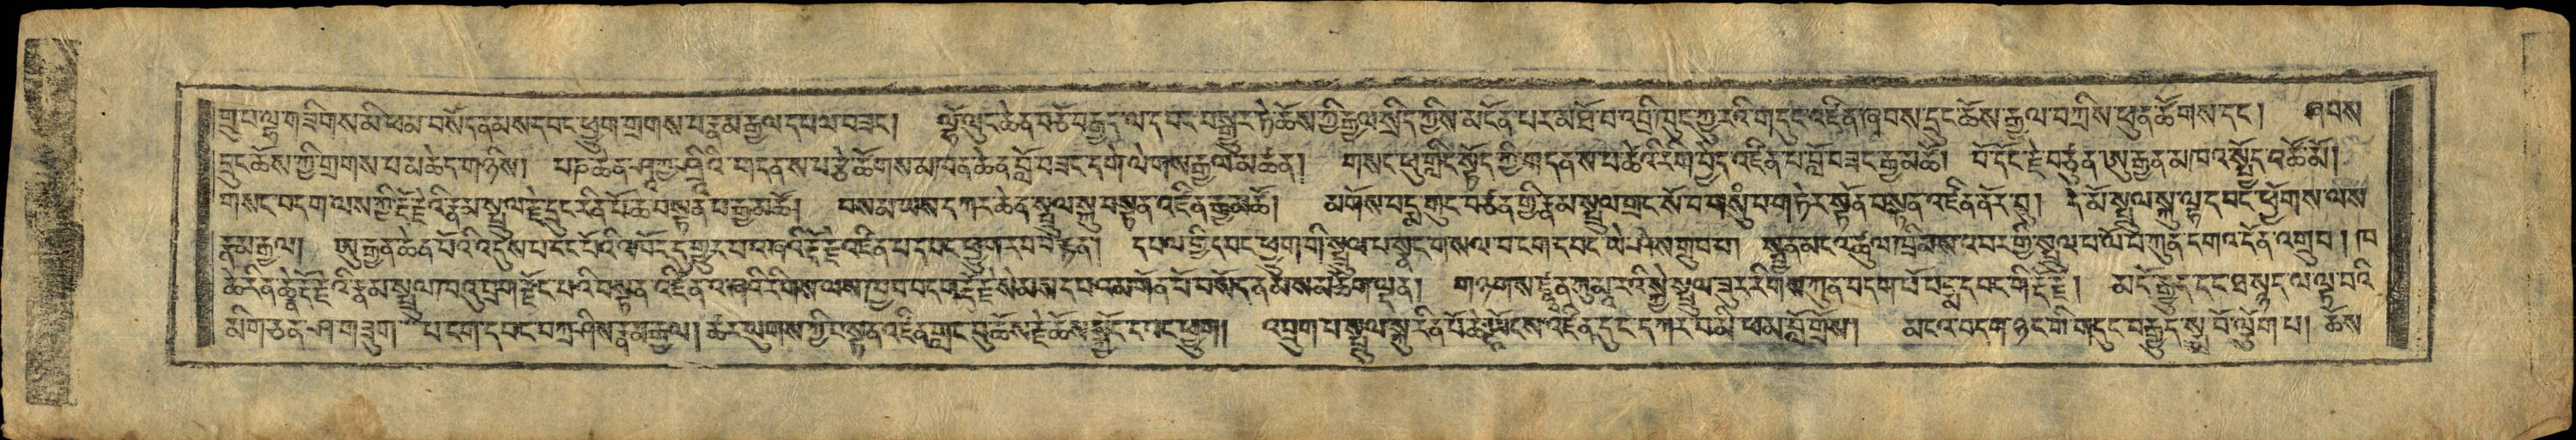གྲུབ་ལྷ་གཟིགས་མི་ཕམ་བསོད་ནམས་དབང་ཕྱུག་གྲགས་པ་རྣམ་རྒྱལ་དཔལ་བཟང་། ལྷོ་ལུང་ཆེན་བཅོ་བརྒྱད་ལ་དབང་བསྒྱུར་ཏེ་ཆོས་ཀྱི་རྒྱལ་སྲིད་ཀྱིས་མངོན་པར་མཐོ་བ་འབྲི་ཁུང་ཀྱུ་རའི་གདུང་འཛིན་ཞབས་དྲུང་ཆོས་རྒྱལ་བཀྲིས་ཕུན་ཚོགས་དང་། ཞབས་
དྲུང་ཆོས་ཀྱི་གྲགས་པ་མཆེད་གཉིས། པཎ་ཆེན་ཤཱཀྱ་ཤྲཱིའི་གདན་ས་པ་རྩེ་ཚོགས་མཁན་ཆེན་བློ་བཟང་དགེ་ལེགས་རྒྱལ་མཚན། གསང་ཕུ་གླིང་སྟོད་ཀྱི་གདན་ས་པ་ཚེའི་རིག་བྱེད་འཛིན་པ་བློ་བཟང་རྒྱ་མཚོ། བོ་དོང་རྗེ་བཙུན་ཨུ་རྒྱན་མཁའ་སྤྱོད་འཚོ་མོ།
གསང་བདག་ལས་ཀྱི་རྡོ་རྗེའི་རྣམ་སྤྲུལ་རྗེ་དྲུང་རིན་པོ་ཆེ་བསྟན་པ་རྒྱ་མཚོ། བསམ་ཡས་དཀར་ཆེན་སྤྲུལ་སྐུ་བསྟན་འཛིན་རྒྱ་མཚོ། མགོས་པདམ་གུང་བཙན་གྱི་རྣམ་སྤྲུལ་གྲང་སོ་བ་གསུཾ་པ་གཏེར་སྟོན་བསྟན་འཛིན་ནོར་བུ། དེ་མོ་སྤྲུལ་སྐུ་ལྷ་དབང་ཕྱོགས་ལས་
རྣམ་རྒྱལ། ཨུ་རྒྱན་ཆེན་པོའི་འདུས་པ་ངང་པོའི་འཁོར་དུ་གྱུར་པའི་?་ཞའི་རྡོ་རྗེ་འཛིན་པ་དབང་ཕྱུག་རབ་བརྟན། དཔལ་གྱི་དབང་ཕྱུག་གི་སྤྲུལ་པ་སྣང་གསལ་བ་ངག་དབང་ཡེ་ཤེས་གྲུབ་པ། སྤྱན་མངའ་ཚུལ་ཁྲིམས་འབར་གྱི་སྤྲུལ་པ་ལེ་པ་ཀུན་དགའ་དོན་འགྲུབ། ཁ་
ཆེ་རིན་ཆེན་རྡོ་རྗེའི་རྣམ་སྤྲུལ་ཁའུ་བྲག་རྫོང་པའི་བསྟན་འཛིན་འ་ཞའི་རིགས་ལས་ཁྱབ་བདག་རྡོ་རྗེ་སེམས་དཔའ་མགོན་པོ་བསོད་ནམས་མཆོག་ལྡན། གཉགས་ཛྙྭ་ན་ཀུ་མཱ་རའི་སྐྱེ་སྤྲུལ་ཟུར་རིགས་ཀུན་བདག་པོ་པདམ་དབང་གི་རྡོ་རྗེ། མདོ་རྒྱུད་དང་ཐ་སྙད་ལ་ལྟ་བའི་
མིག་ཅན་ཤ་གཟུགས་?་པ་ངག་དབང་བཀྲ་ཤིས་རྣམ་རྒྱལ། ཚར་ལུགས་ཀྱི་བསྟན་འཛིན་གླང་བུ་ཆོས་རྗེ་ཆོས་སྐྱོང་དབང་ཕྱུག། འབྲུག་པ་སྤྲུལ་སྐུ་རིན་པོ་ཆེ་ཡོངས་འཛིན་དུང་དཀར་བ་མི་ཕམ་བློ་གྲོས། མངའ་བདག་ཉང་གི་གདུང་བརྒྱུད་སྨྲ་བོ་ལྕོག་པ། ཆེས་